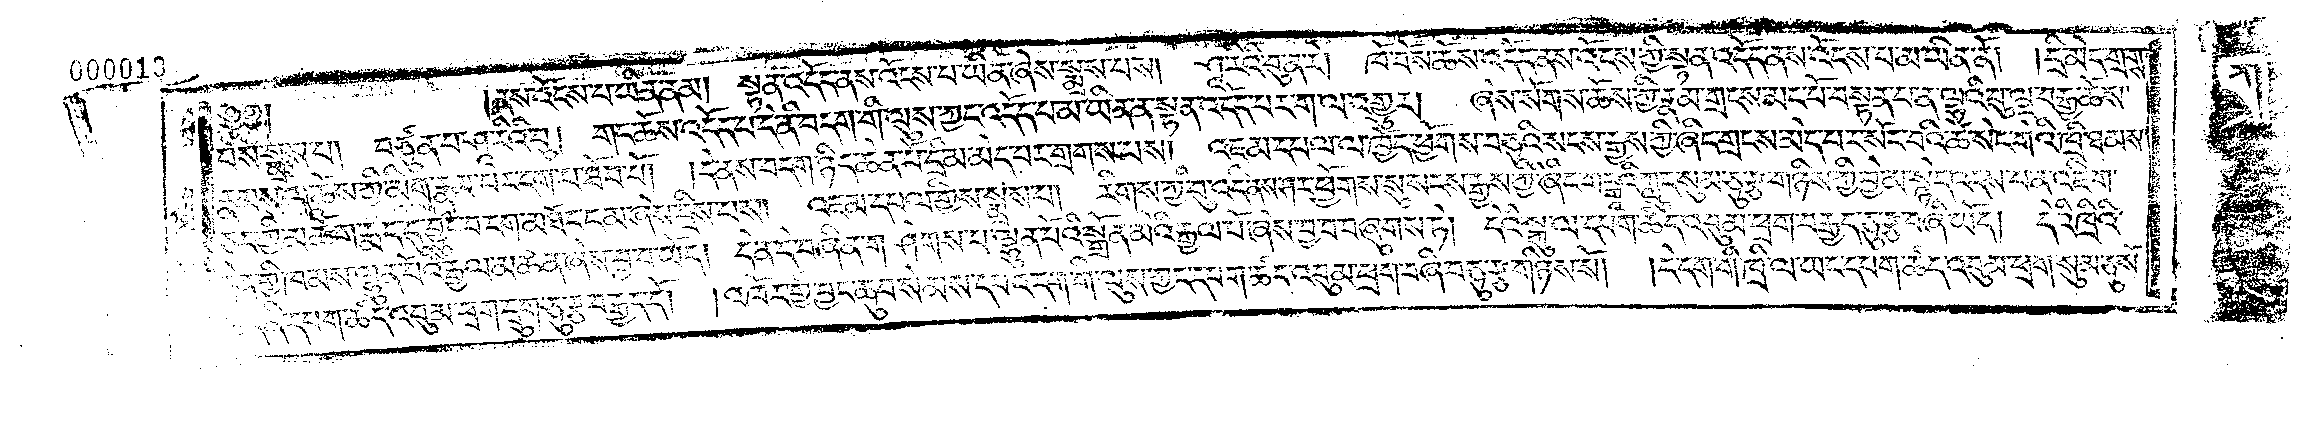༄༅། །ནས་འོངས་པ་ཡིན་ནམ། སྟན་འདོད་ནས་འོངས་པ་ཡིན་ཞེས་སྨྲས་པས། ཤཱ་རིའི་བུ་ན་རེ། ཁོ་བོས་ཆོས་འདོད་ནས་འོངས་ཀྱི་སྟན་འདོད་ནས་འོངས་པ་མ་ཡིན་ནོ། །དྲི་མེད་གྲགས་
བས་སྨྲས་པ། བཙུན་པ་ཤཱ་རིའི་བུ། གང་ཆོས་འདོད་པ་དེ་ནི་བདག་གི་ལུས་ཀྱང་འདོད་པ་མ་ཡིན་ན་སྟན་འདོད་པར་ག་ལ་འགྱུར། ཞེས་སོགས་ཆོས་ཀྱི་རྣམ་གྲངས་མང་པོ་བསྟན་པ་ན་ལྷའི་བུ་ལྔ་བརྒྱ་ཆོས་
རྣམས་ལ་ཆོས་ཀྱི་མིག་རྣམ་པར་དག་པ་ཐོབ་པོ། །དེ་ནས་བདག་ཉིད་ཆེན་པོ་དྲི་མ་མེད་པར་གྲགས་པས། འཇམ་དཔལ་ལ་ཁྱོད་ཕྱོགས་བཅུའི་སངས་རྒྱས་ཀྱི་ཞིང་གྲངས་མེད་པར་སོང་བའི་ཚོ་སེང་གེའི་ཁྲི་ཐམས་
ཅད་ཀྱི་མཆོག་རྨད་དུ་བྱུང་བ་དག་མཐོང་དམ་ཞེས་དྲིས་པས། འཇམ་དཔལ་གྱིས་སྨྲས་པ། རིགས་ཀྱི་བུ་འདི་ནས་ཤར་ཕྱོགས་སུ་སངས་རྒྱས་ཀྱི་ཞིང་གངྒཱའི་ཀླུང་སུམ་ཅུ་རྩ་གཉིས་ཀྱི་བྱེ་མ་སྙེད་འདས་པ་ན་འཇིག་
རྟེན་གྱི་ཁམས་ལྷུན་པོའི་རྒྱལ་མཚན་ཞེས་བྱ་བ་ཡོད། དེ་ན་དེ་བཞིན་གཤེགས་པ་ལྷུན་པོའི་སྒྲོན་མེའི་རྒྱལ་པོ་ཞེས་བྱ་བ་བཞུགས་ཏེ། དེའི་སྐུ་ལ་དཔག་ཚད་འབུམ་ཕྲག་བརྒྱད་ཅུ་རྩ་བཞི་ཡོད། དེའི་ཁྲིའི་
ཚད་ནི་དཔག་ཚད་འབུམ་ཕྲག་དྲུག་ཅུ་རྩ་བརྒྱད་དོ། །འཁོར་གྱི་བྱང་ཆུབ་སེམས་དཔའ་དག་གི་ལུས་ཀྱང་དཔག་ཚང་འབུམ་ཕྲག་བཞི་བཅུ་རྩ་གཉིས་སོ། །དེ་དག་གི་ཁྲི་ལ་ཡང་དཔག་ཚད་འབུམ་ཕྲག་སུམ་ཅུ་སོ་